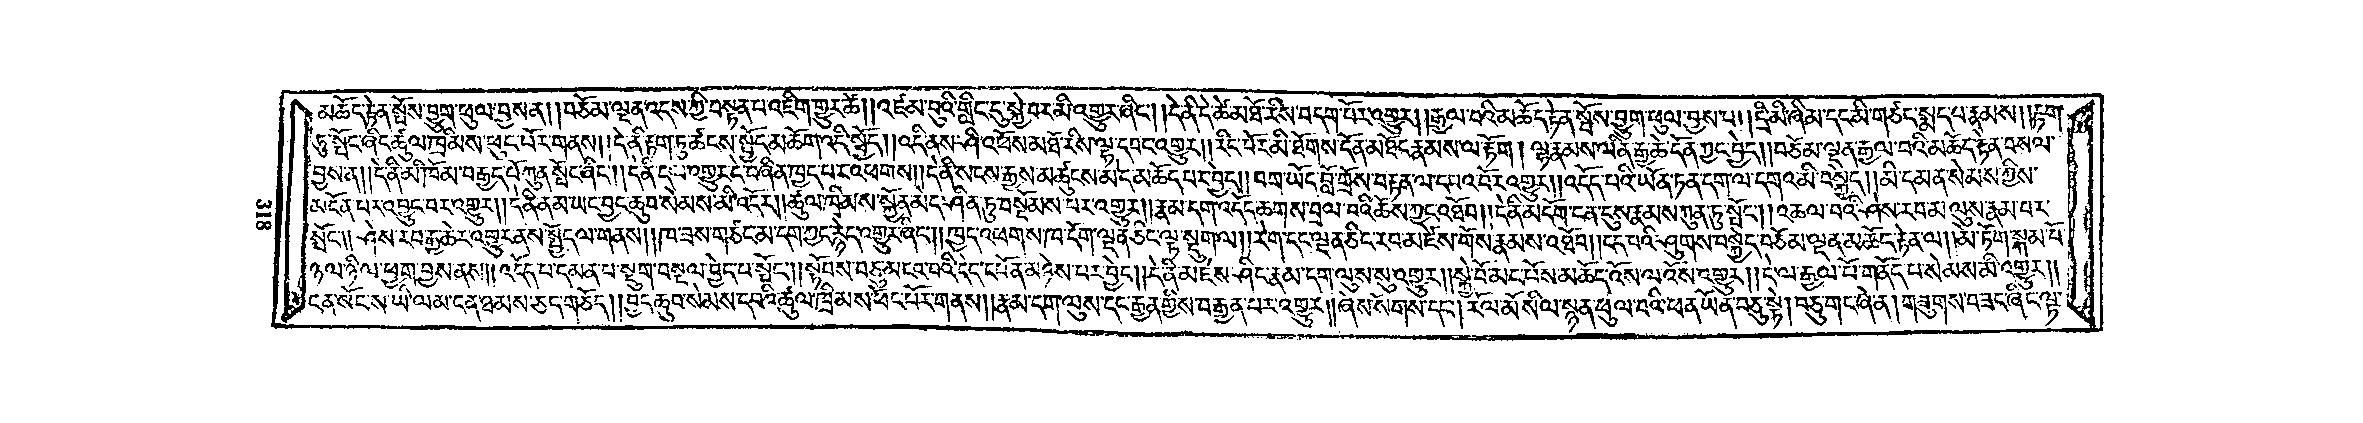མཆོད་རྟེན་སྤོས་བྱུག་ཕུལ་བྱས་ན། །བཅོམ་ལྡན་འདས་ཀྱི་བསྟན་པ་འཇིག་གྱུར་ཚེ། །འཛམ་བུའི་གླིང་དུ་སྐྱེ་བར་མི་འགྱུར་ཞིང་། །དེ་ནི་དེ་ཚེ་མཐོ་རིས་བདག་པོར་འགྱུར། །རྒྱལ་བའི་མཆོད་རྟེན་སྤོས་བྱུག་ཕུལ་བྱས་པ། །དྲི་མི་ཞིམ་དང་མི་གཙང་སྨད་པ་རྣམས། །རྟག་
ཏུ་སྤོང་ཞིང་ཚུལ་ཁྲིམས་ཕུང་པོར་གནས། །དེ་ནི་རྟག་ཏུ་ཚང་སྤྱོད་མཆོག་འདི་སྤྱོད། །འདི་ནས་ཤི་འཕོས་མཐོ་རིས་ལྷ་དབང་འགྱུར། །རིང་པོར་མི་ཐོགས་དོན་མཐོང་རྣམས་ལ་རྟོག །ལྷ་རྣམས་ལ་ནི་རྒྱ་ཆེ་དོན་ཀྱང་བྱེད། །བཅོམ་ལྡན་རྒྱལ་བའི་མཆོད་རྟེན་བསལ་
བྱས་ན། །དེ་ནི་མི་ཁོམ་བརྒྱད་པོ་ཀུན་སྤོང་ཞིང་། །དེ་ནི་དལ་འགྱུར་དེ་བཞིན་ཁྱད་པར་འཕགས། །དེ་ནི་སངས་རྒྱས་མཚུངས་མེད་མཆོད་པར་བྱེད། །བག་ཡོད་བློ་གྲོས་བརྟན་ལ་དཔའ་བོར་འགྱུར། །འདོད་པའི་ཡོན་ཏན་དག་ལ་དགའ་མི་བསྐྱེད། །མི་དམན་སེམས་ཀྱིས་
མངོན་པར་འབྱུང་བར་འགྱུར། །དེ་ནི་ནམ་ཡང་བྱང་ཆུབ་སེམས་མི་འདོར། །ཚུལ་ཁྲིམས་སྐྱོན་མེད་ཤིན་ཏུ་བསྡོམས་པར་འགྱུར། །རྣམ་དག་འདོད་ཆགས་བྲལ་བའི་ཆོས་ཀྱང་འཐོབ། །དེ་ནི་མདོག་ངན་དུས་རྣམས་ཀུན་ཏུ་སྤོང་། །འཆལ་བའི་ཤེས་རབ་མ་ལུས་རྣམ་པར་
སྤོང་། །ཤེས་རབ་རྒྱ་ཆེར་འགྱུར་ནས་སྤྱོད་ལ་གནས། །ཁ་ཟས་གཙང་མ་དག་ཀྱང་རྙེད་འགྱུར་ཞིང་། །ཁྱད་འཕགས་ཁ་དོག་ལྡན་ཅིང་ལྟ་སྡུག་ལ། །རེག་དང་ལྡན་ཅིང་རབ་མཛེས་གོས་རྣམས་འཐོབ། །དད་པའི་ཤུགས་བསྐྱེད་བཅོམ་ལྡན་མཆོད་རྟེན་ལ། །མེ་ཏོག་སྐམ་པོ་
ཉལ་ཉིལ་ཕྱག་བྱས་ནས། །འདོད་པ་དམན་པ་སྡུག་བསྔལ་བྱེད་པ་སྤོང་། །སྟོབས་བཅུ་མངའ་བའི་དེད་དཔོན་མཉེས་པར་བྱེད། །དེ་ནི་མཛེས་ཤིང་རྣམ་དག་ལུས་སུ་འགྱུར། །སྐྱེ་བོ་མང་པོས་མཆོད་འོས་ལ་འོས་འགྱུར། །དེ་ལ་རྒྱལ་པོ་གནོད་པ་སེམས་མི་འགྱུར། །
ངན་སོང་ས་ཡི་ལམ་ངན་ཐམས་ཅད་གཅོད། །བྱང་ཆུབ་སེམས་དཔའི་ཚུལ་ཁྲིམས་ཕོང་པོར་གནས། །རྣམ་དག་ལུས་དང་རྒྱན་གྱིས་བརྒྱན་པར་འགྱུར། །ཞེས་སོགས་དང་། རོལ་མོ་སིལ་སྙན་ཕུལ་བའི་ཕན་ཡོན་བཅུ་སྟེ། བཅུ་གང་ཞེ་ན། གཟུགས་བཟང་ཞིང་ལྟ་